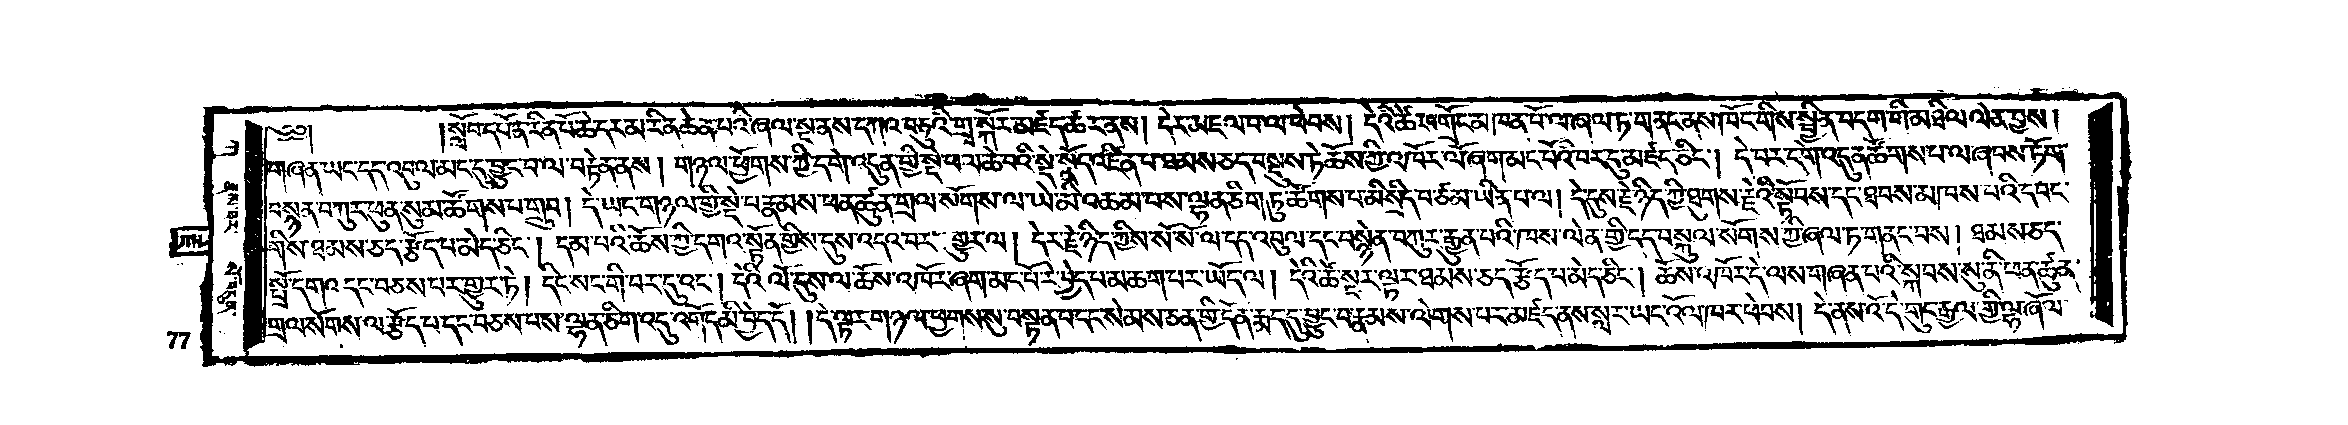༄༅། །སློབ་དཔོན་རིན་པོ་ཆེ་དར་མ་རིན་ཆེན་པའི་ཞལ་སྔ་ནས་དཀའ་བཅུའི་གྲྭ་སྐོར་མཛད་ཚར་ནས། དེར་མཇལ་བ་ལ་ཕེབས། དེའི་ཚེ་རབ་གྲོང་མཁན་པོ་ལ་ཞལ་ཏ་གནང་ནས་ཁོང་གིས་སྦྱིན་བདག་གི་མཐིལ་ལེན་བྱས།
གཞན་ཡང་དད་འབུལ་མང་དུ་བྱུང་བ་ལ་བརྟེན་ནས། གཉལ་ཕྱོགས་ཀྱི་དགེ་འདུན་གྱི་སྡེ་ཕལ་ཆེ་བའི་སྡེ་སྣོད་འཛིན་པ་ཐམས་ཅད་བསྡུས་ཏེ་ཆོས་ཀྱི་འཁོར་ལོ་ཞག་མང་པོའི་བར་དུ་མཛད་ཅིང་། དེ་བར་དགེ་འདུན་ཚོགས་པ་ལ་ཞབས་ཏོག་
བསྙན་བཀུར་ཕུན་སུམ་ཚོགས་པ་གྲུབ། དེ་ཡང་གཉལ་གྱི་སྡེ་པ་རྣམས་ཕན་ཚུན་གྲལ་སོགས་ལ་ཡེ་མི་འཆམ་པས་ལྷན་ཅིག་ཏུ་ཚོགས་པ་མི་སྲིད་པ་ཙམ་ཡིན་པ་ལ། དེ་དུས་རྗེ་ཉིད་ཀྱི་ཐུགས་རྗེའི་སྟོབས་དང་ཐབས་མཁས་པའི་དབང་
གིས་ཐམས་ཅད་རྩོད་པ་མེད་ཅིང་། དམ་པའི་ཆོས་ཀྱི་དགའ་སྟོན་གྱིས་དུས་འདའ་བར་གྱུར་ལ། དེར་རྗེ་ཉིད་ཀྱིས་སོ་སོ་ལ་དད་འབུལ་དང་བསྙེན་བཀུར་རྒྱུན་པའི་ཁས་ལེན་གྱི་དད་བསྐུལ་སོགས་ཀྱི་ཞལ་ཏ་གནང་བས། ཐམས་ཅད་
སྤྲོ་དགའ་དང་བཅས་པར་གྱུར་ཏེ། དིང་སང་གི་བར་དུ་འང་། དེའི་ལོ་དུས་ལ་ཆོས་འཁོར་ཞག་མང་པོ་རེ་བྱེད་པ་མ་ཆག་པར་ཡོད་ལ། དེའི་ཚེ་སྔར་ལྟར་ཐམས་ཅད་རྩོད་པ་མེད་ཅིང་། ཆོས་འཁོར་དེ་ལས་གཞན་པའི་སྐབས་སུ་ནི་ཕན་ཚུན་
གྲལ་སོགས་ལ་རྩོད་པ་དང་བཅས་པས་ལྷན་ཅིག་འདུ་འགོད་མི་བྱེད་དོ། །དེ་ལྟར་གཉལ་ཕྱགས་སུ་བསྟན་པ་དང་སེམས་ཅན་གྱི་དོན་རྨད་དུ་བྱུང་བ་རྣམས་ལེགས་པར་མཛད་ནས་སླར་ཡང་འོལ་ཁར་ཕེབས། དེ་ནས་འོ་དེ་གུང་རྒྱལ་གྱི་ལྷ་ཞོལ་